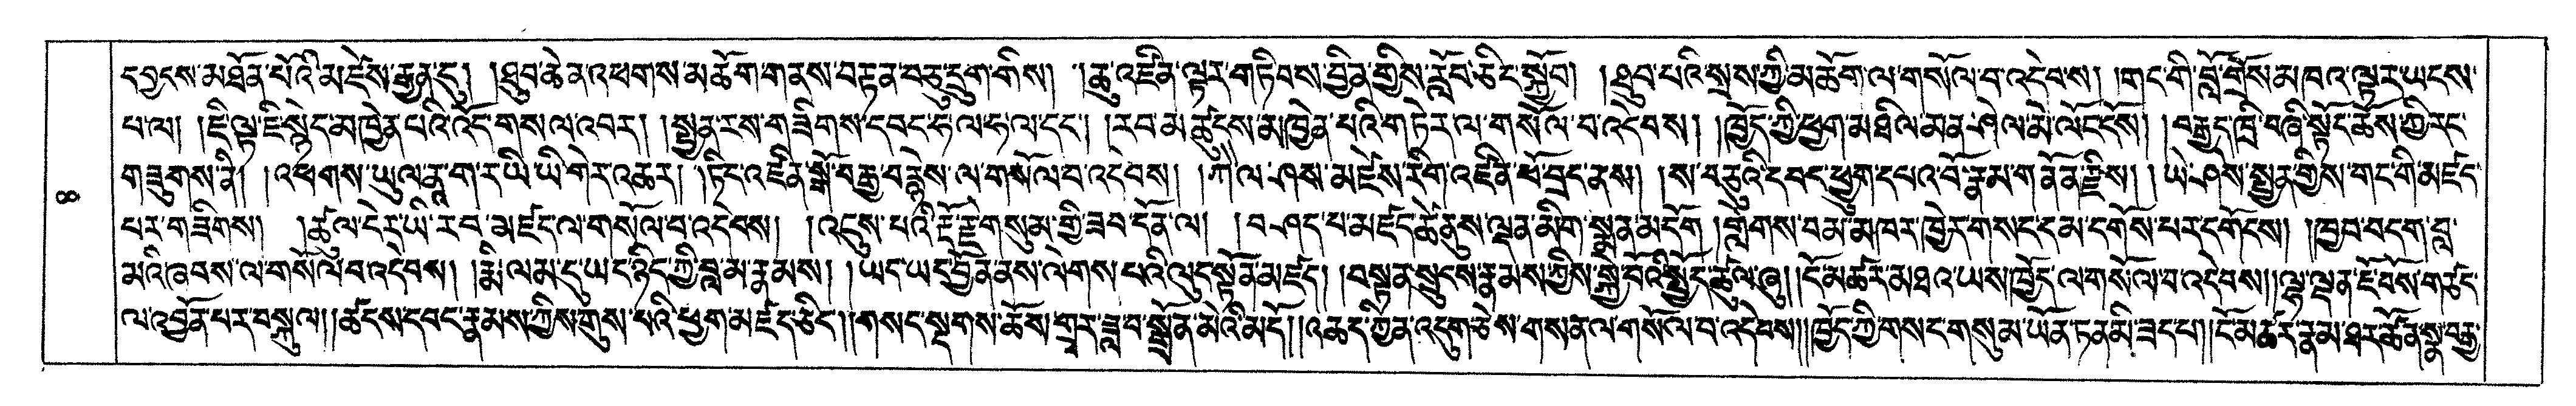དབྱིངས་མཐོན་པོའི་མཛེས་རྒྱན་དུ། །ཐུབ་ཆེན་འཕགས་མཆོག་གནས་བརྟན་བཅུ་དྲུག་གིས། །ཆུ་འཛིན་ལྟར་གཏིབས་བྱིན་གྱིས་རློབ་ཅིང་སྐྱོབ། །ཐུབ་པའི་སྲས་ཀྱི་མཆོག་ལ་གསོལ་བ་འདེབས། །གང་གི་བློ་གྲོས་མཁའ་ལྟར་ཡངས་
པ་ལ༑ ༑ཇི་ལྟ་ཇི་སྙེད་མཁྱེན་པའི་འོད་གསལ་འབར། །སྤྱན་རས་གཟིགས་དབང་ཧ་ལ་ཧ་ལ་དང་། །རབ་མཚུངས་མཁྱེན་པའི་གཏེར་ལ་གསོལ་བ་འདེབས། །ཁྱོད་ཀྱི་ཕྱག་མཐིལ་མན་ཤེལ་མེ་ལོང་ངོས། །བརྒྱད་ཁྲི་བཞི་སྟོང་ཆོས་ཀྱི་རང་
གཟུགས་ནི་།འཕགས་ཡུལ་ནཱ་ག་ར་ཡི་ཡི་གེར་འཆར། །ཏིང་འཛིན་སྒོ་བརྒྱ་བརྙེས་ལ་གསོལ་བ་འདེབས། །ཀཻ་ལ་ཤས་མཛེས་རིག་འཛིན་ཕོ་བྲང་ནས། །ས་བཅུའི་དབང་ཕྱུག་དཔའ་བོ་རྣམ་གནོན་རྗེས། །ཡེ་ཤེས་སྤྱན་གྱིས་གང་གི་མཛད་
པར་གཟིགས། །ཚུལ་དེར་ཡི་རང་མཛད་ལ་གསོལ་བ་འདེབས། །འདུས་པའི་རྡོ་རྗེ་གསུམ་གྱི་ཟབ་དོན་ལ། །བཤད་པ་མཛད་ཚེ་ནུ་ལྡན་མིག་སྨན་མདོག །གླེགས་བམ་མཁར་ཁྱེར་གསང་དམ་དགོས་པར་དགོངས། །ཁྱབ་བདག་བླ་
མའི་ཞབས་ལ་གསོལ་བ་འདེབས། །རྨི་ལམ་དུ་ཡང་ཉིད་ཀྱི་བླ་མ་རྣམས། །ཡང་ཡང་བྱོན་ནས་ལེགས་པའི་ལུང་སྟོན་མཛད། །བསྟན་སྲུངས་རྣམས་ཀྱིས་སྐྱེ་བོའི་སྤྱོད་ཚུལ་ཞུ། །ངོ་མཚར་མཐའ་ཡས་ཁྱོད་ལ་གསོལ་བ་འདེབས། །ལྷ་ལྡན་ཇོ་བོས་གཙང་
ལ་འབྱོན་པར་བསྐུལ། །ཚངས་དབང་རྣམས་ཀྱིས་གུས་པའི་ཕྱག་མཛད་ཅིང་། །གསང་སྔགས་ཆོས་གྲྭར་ཟླ་བ་སྒྲོན་མེའི་མདོ། །འཆད་ཀྱིན་འདུག་ཅེས་གསན་ལ་གསོལ་བ་འདེབས། །ཁྱོད་ཀྱི་གསང་གསུམ་ཡོན་ཏན་མི་ཟད་པ། །ངོ་མཚར་རྣམ་ཐར་ཚོན་སྣ་བརྒྱ་